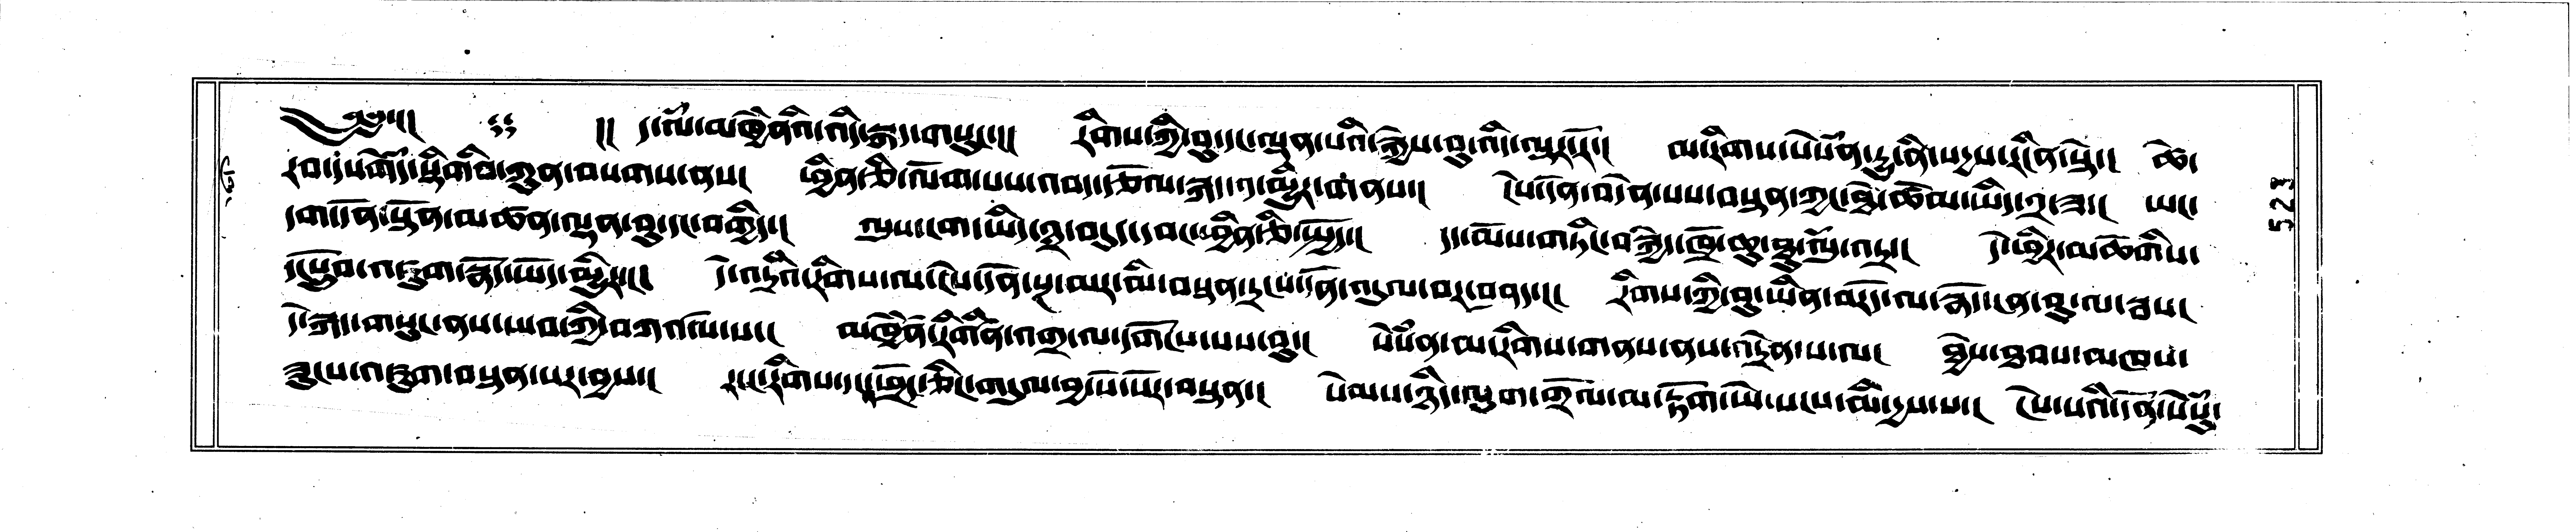མཁྱེན་བརྩེའི་འདི་སྐད་གསུངས། རིགས་སུ་ལྡན་པའི་སྐྱེས་བུ་འདི་ལྟར་རོ། མ་རིག་སེམས་ཅན་རྒྱུ་ནི་སངས་རྒྱས་རང་བཞིན་སྟེ། ཚེ་
རབས་དཔག་མེད་ནས་མི་དགེ་སྡིག་སྒྲིབ་ཀུན་བསོགས་ནས། ཕྱིན་ཅི་ལོག་པའི་བྷད་(འབད)རྩོལ་སྐད་ཅིག་ཀྱང་མི་འགྱུར་གནས། ངེས་དོན་བདེན་པའི་བོན་བསྟན་ཀྱང་། ཐེ་ཚོམ་ཡིད་གཉིས་ཟ། ཡང་
དག་དོན་སྟོན་བུ་དང་བྱེད། ལུས་ངག་ཡིད་གསུམ་བདུད་ཀྱི་དབང་དུ་ཤོར་བས་ཕྱིན་ཅི་ལོག་པ་སྤྱོད། གཏད་མེད་གདེང་དྲེད་ཁྲོ་ཆུ་ཐུ་ལུམ་འདྲ། དེ་ཕྱིར་མཆོག་གིས་
དངོས་གྲུབ་འཇུག་པའི་སྣོད་དང་ལྡན་པ་ཉུང་། དེ་འདྲ་ཡི་རིགས་ལ་ངེས་དོན་སྔ་མར་མི་བསྟན་དྲང་དོན་གདུལ་བྱ་བཤད། རིགས་ཀྱི་བུ་ཡིན་པར་ཆོད་ལ་སྣོད་ངན་བུ་ལ་སྦས་སོ། 
དེ་སྐད་གསུངས་ནས་ཡབ་ཀྱི་བཀའ་སྩལ་པ། མཁྱེན་བརྩེ་རིག་འཛིན་འགྲོ་ལ་དགོངས་པའི་བུ། སེམས་ཅན་མ་རིག་གནས་ནས་འདྲེན་པ་ལ། ཐུགས་རྗེས་ཐབ་མཁས་
ཟུང་འཇུག་གིས་སྤྱོད་པ་དགོས། རང་རིག་དང་འཕྲོད་ཅིང་གདུལ་བྱ་སོ་སོར་སྟོན། སེམས་ཉིད་ལྷག་གྲོལ་མ་རྟོག་ཡེ་སངས་མི་རྒྱས་པས། ངེས་པའི་དོན་དམ་སེམས་སུ་